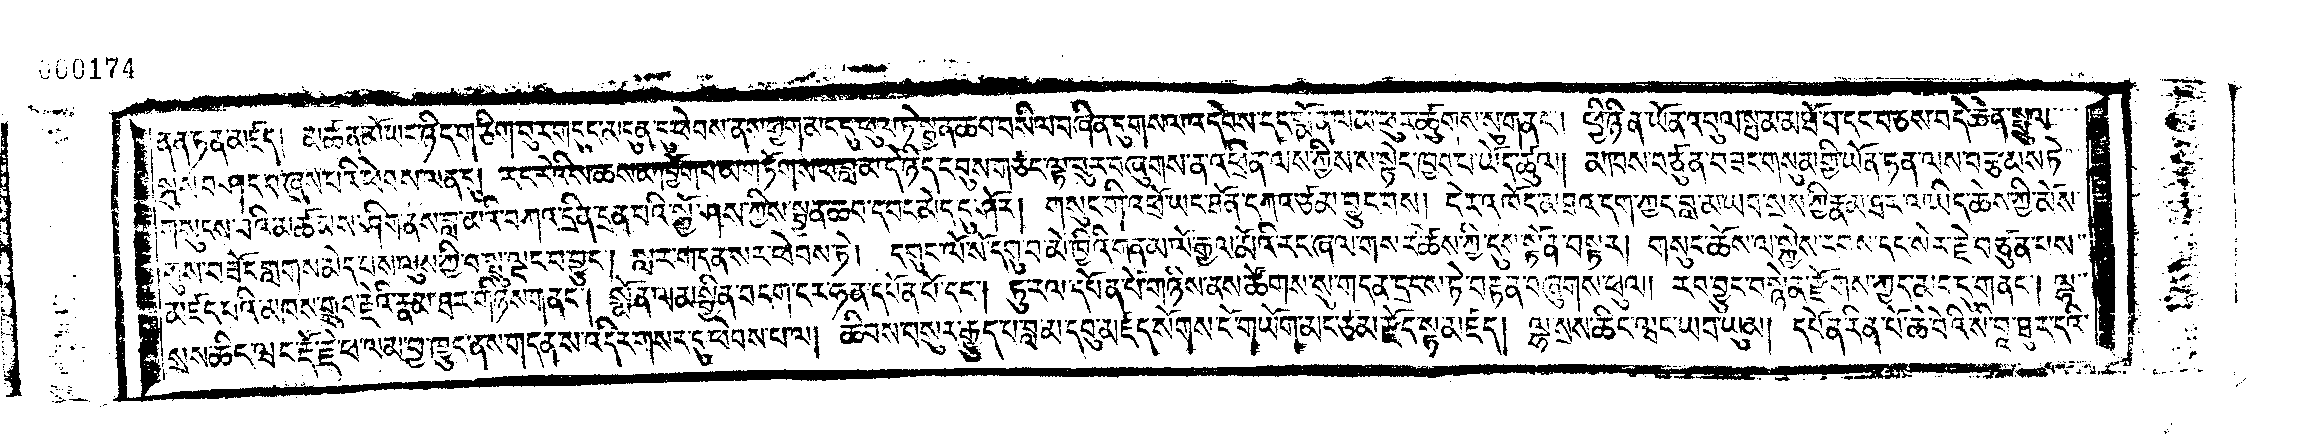ནན་ཏན་མཛད། མཚན་མོ་ཡང་ཉིད་གཅིག་པུར་གདུང་མདུན་དུ་ཕེབས་ནས་ཕྱག་མང་དུ་ཕུལ་ཏེ་སྤྱན་ཆབ་བསིལ་བཞིན་དུ་གསོལ་འདེབས་དང་སྨོན་ལམ་ཕུར་ཚུགས་སུ་གནང་། ཕྱི་ཉིན་ཡོན་འབུལ་སྤ་མ་མཐོ་བ་དང་བཅས་བདེ་ཆེན་སྤྲུལ་
སྐུས་བཤད་བ་ཞུས་པའི་ཕེབས་ལན་དུ། རང་རེའི་ས་ཆས་མ་ཁྱོག་པ་མ་གཏོགས་ཕ་བླ་མ་དེ་ཉིད་དབུ་ས་གཙང་ལྟ་བུར་བཞུགས་ན་འཕྲིན་ལས་ཀྱིས་ས་སྟེང་ཁྱབ་པ་ཡོང་ཚུལ། མཁས་བཙུན་བཟང་གསུམ་གྱི་ཡོན་ཏན་ལས་བརྩམས་ཏེ་
གསུངས་པའི་མཚམས་ཤིག་ནས་བླ་མའི་བཀའ་དྲིན་དྲན་པའི་སྐྱོ་ཤས་ཀྱིས་སྤྱན་ཆབ་དབང་མེད་དུ་ཤོར། གསུང་གི་འཕྲོ་ཡང་ཐོན་དཀའ་ཙམ་བྱུང་བས། དེར་འཁོད་མཐའ་དག་ཀྱང་བླ་མ་ཡབ་སྲས་ཀྱི་རྣམ་ཐར་ལ་ཡིད་ཆེས་ཀྱི་མོས་
གུས་བཟོང་གླགས་མེད་པས་ལུས་ཀྱི་བ་སྤུ་ལྡང་བ་བྱུང་། སླར་གདན་སར་ཕེབས་ཏེ། དགུང་ལོ་སོ་དགུ་པ་མེ་ཁྱིའི་གནམ་ལོ་རྒྱལ་མོའི་རང་ཞལ་གསར་ཚེས་ཀྱི་དུས་སྟོན་བསྟར། གསུང་ཆོས་ལ་སྐྱེས་རབས་དང་སེར་རྗེ་བཙུན་པས་
མཛད་པའི་མཁས་གྲུབ་རྗེའི་རྣམ་ཐར་གཉིས་གནང་། སྨོན་ལམ་སྦྱིན་བདག་ངར་ཧན་དཔོན་པོ་དང་། ཏུ་རལ་དཔོན་བོ་གཉིས་ནས་ཚོགས་སུ་གདན་དྲངས་ཏེ་བརྟན་བཞུགས་ཕུལ། རབ་བྱུང་བསྙེན་རྫོགས་ཀྱང་མང་དུ་གནང་། ལྷ་
སྲས་ཆིང་ཝང་རྡོ་རྗེ་ཕ་ལམ་བྱ་ཁྱུང་ནས་གདན་ས་འདིར་གསར་དུ་ཕེབས་པ་ལ། ཆིབས་བསུར་རྒྱུད་པ་བླ་མ་དབུ་མཛང་སོགས་ངོ་གཡོག་མང་ཙམ་རྫོང་སྟ་མཛད། ལྷ་སྲས་ཆིང་ཝང་ཡབ་ཡུམ། དཔོན་རིན་པོ་ཆེ་པེའི་སི་བཱ་ཐུར་དའི་